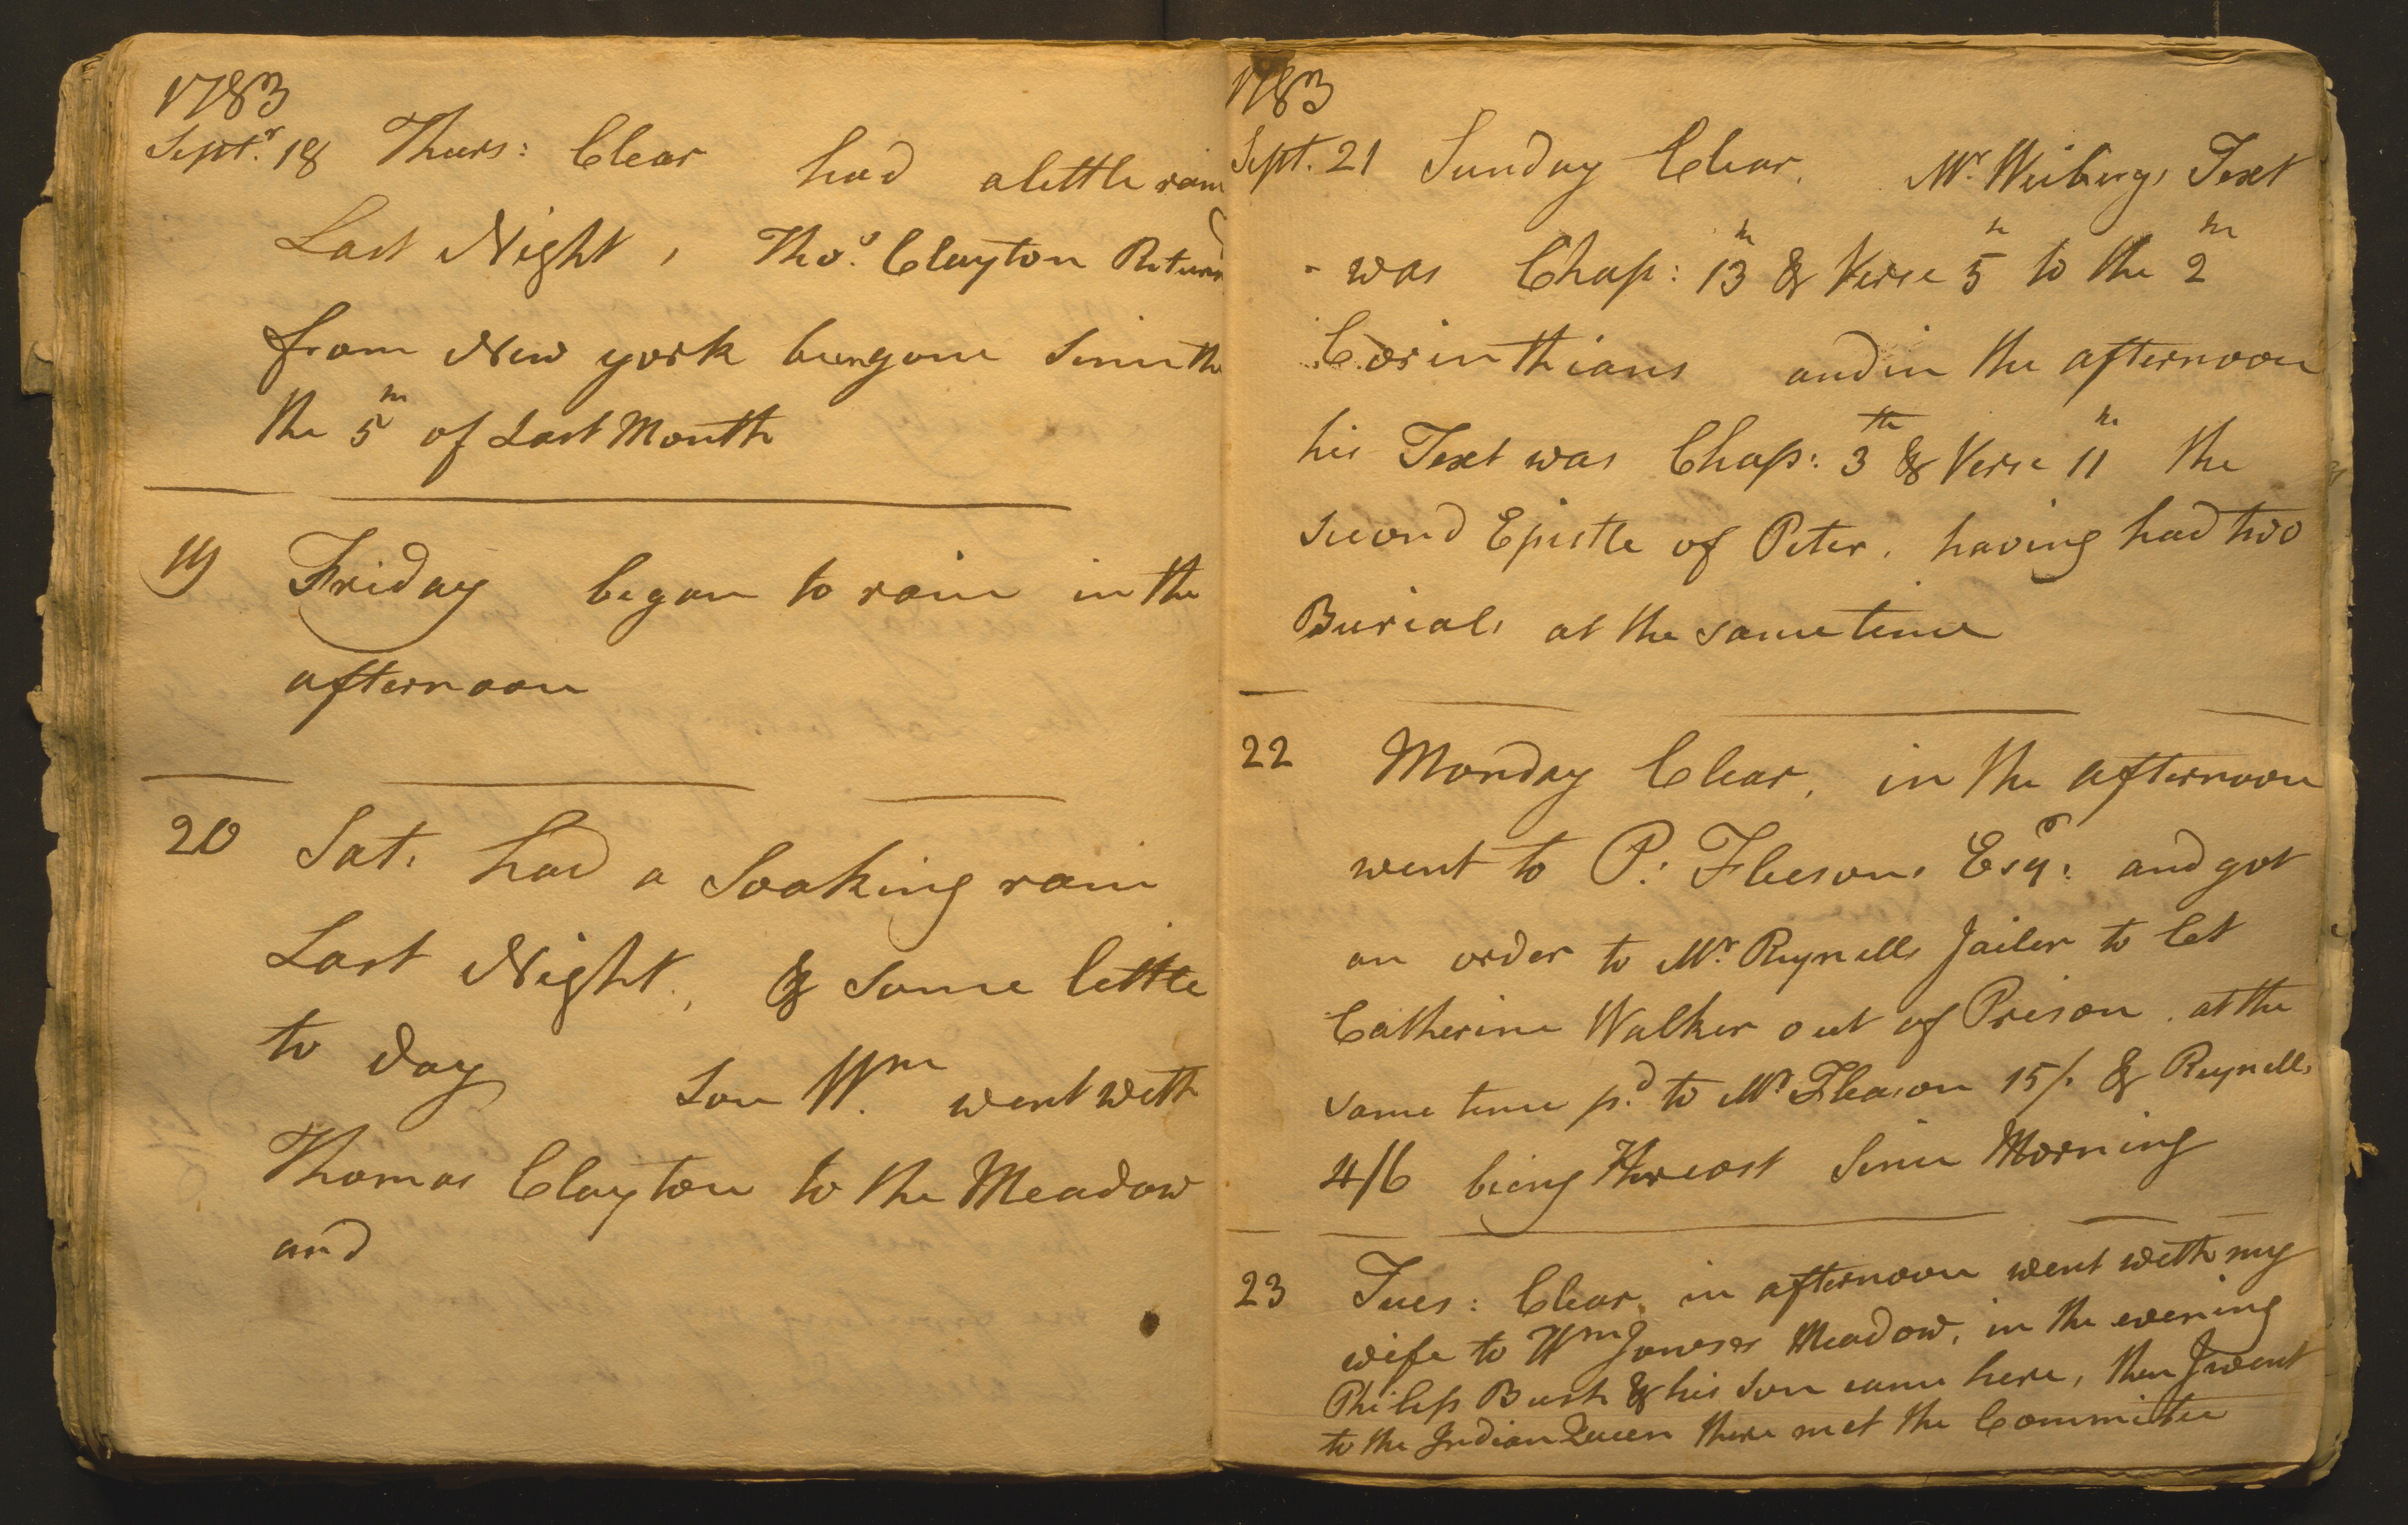1783
Sept^r. 18 Thurs. Clear had a little rain
Last Night, Tho^s. Clayton Return^d
from New york been gone since the
the 5^th of Last Month
19 Friday began to rain in the
afternoon
20 Sat. had a soaking rain
Last Night & same little
to day Son W^m. went with
Thomas Clayton to the Meadow
and
1783
Sept^r. 21t Sunday Clear. M^r. Weibergs Text
was Chap: 13^th & Verse 5^th to the 2^th
Corinthians and in the afternoon
his Text was Chap: 3^th & Verse 11^th the
second Epistle of Peter, having had two
Burials at the same time
22 Monday Clear, in the afternoon
went to P. Fleesons Esq^r. and got
an order to M^r. Reynells Jailer to let
Catherine Walker out of Prison, at the
same time p^d. to M^r. Fleason 15s. & Reynells
4s6 being the cost since Morning
23 Tues. Clear, in afternoon went with my
wife to W^m Joneses Meadow, in the evening
Philip Bush & his son came here, then I went
to the Indian Queen there met the Committee